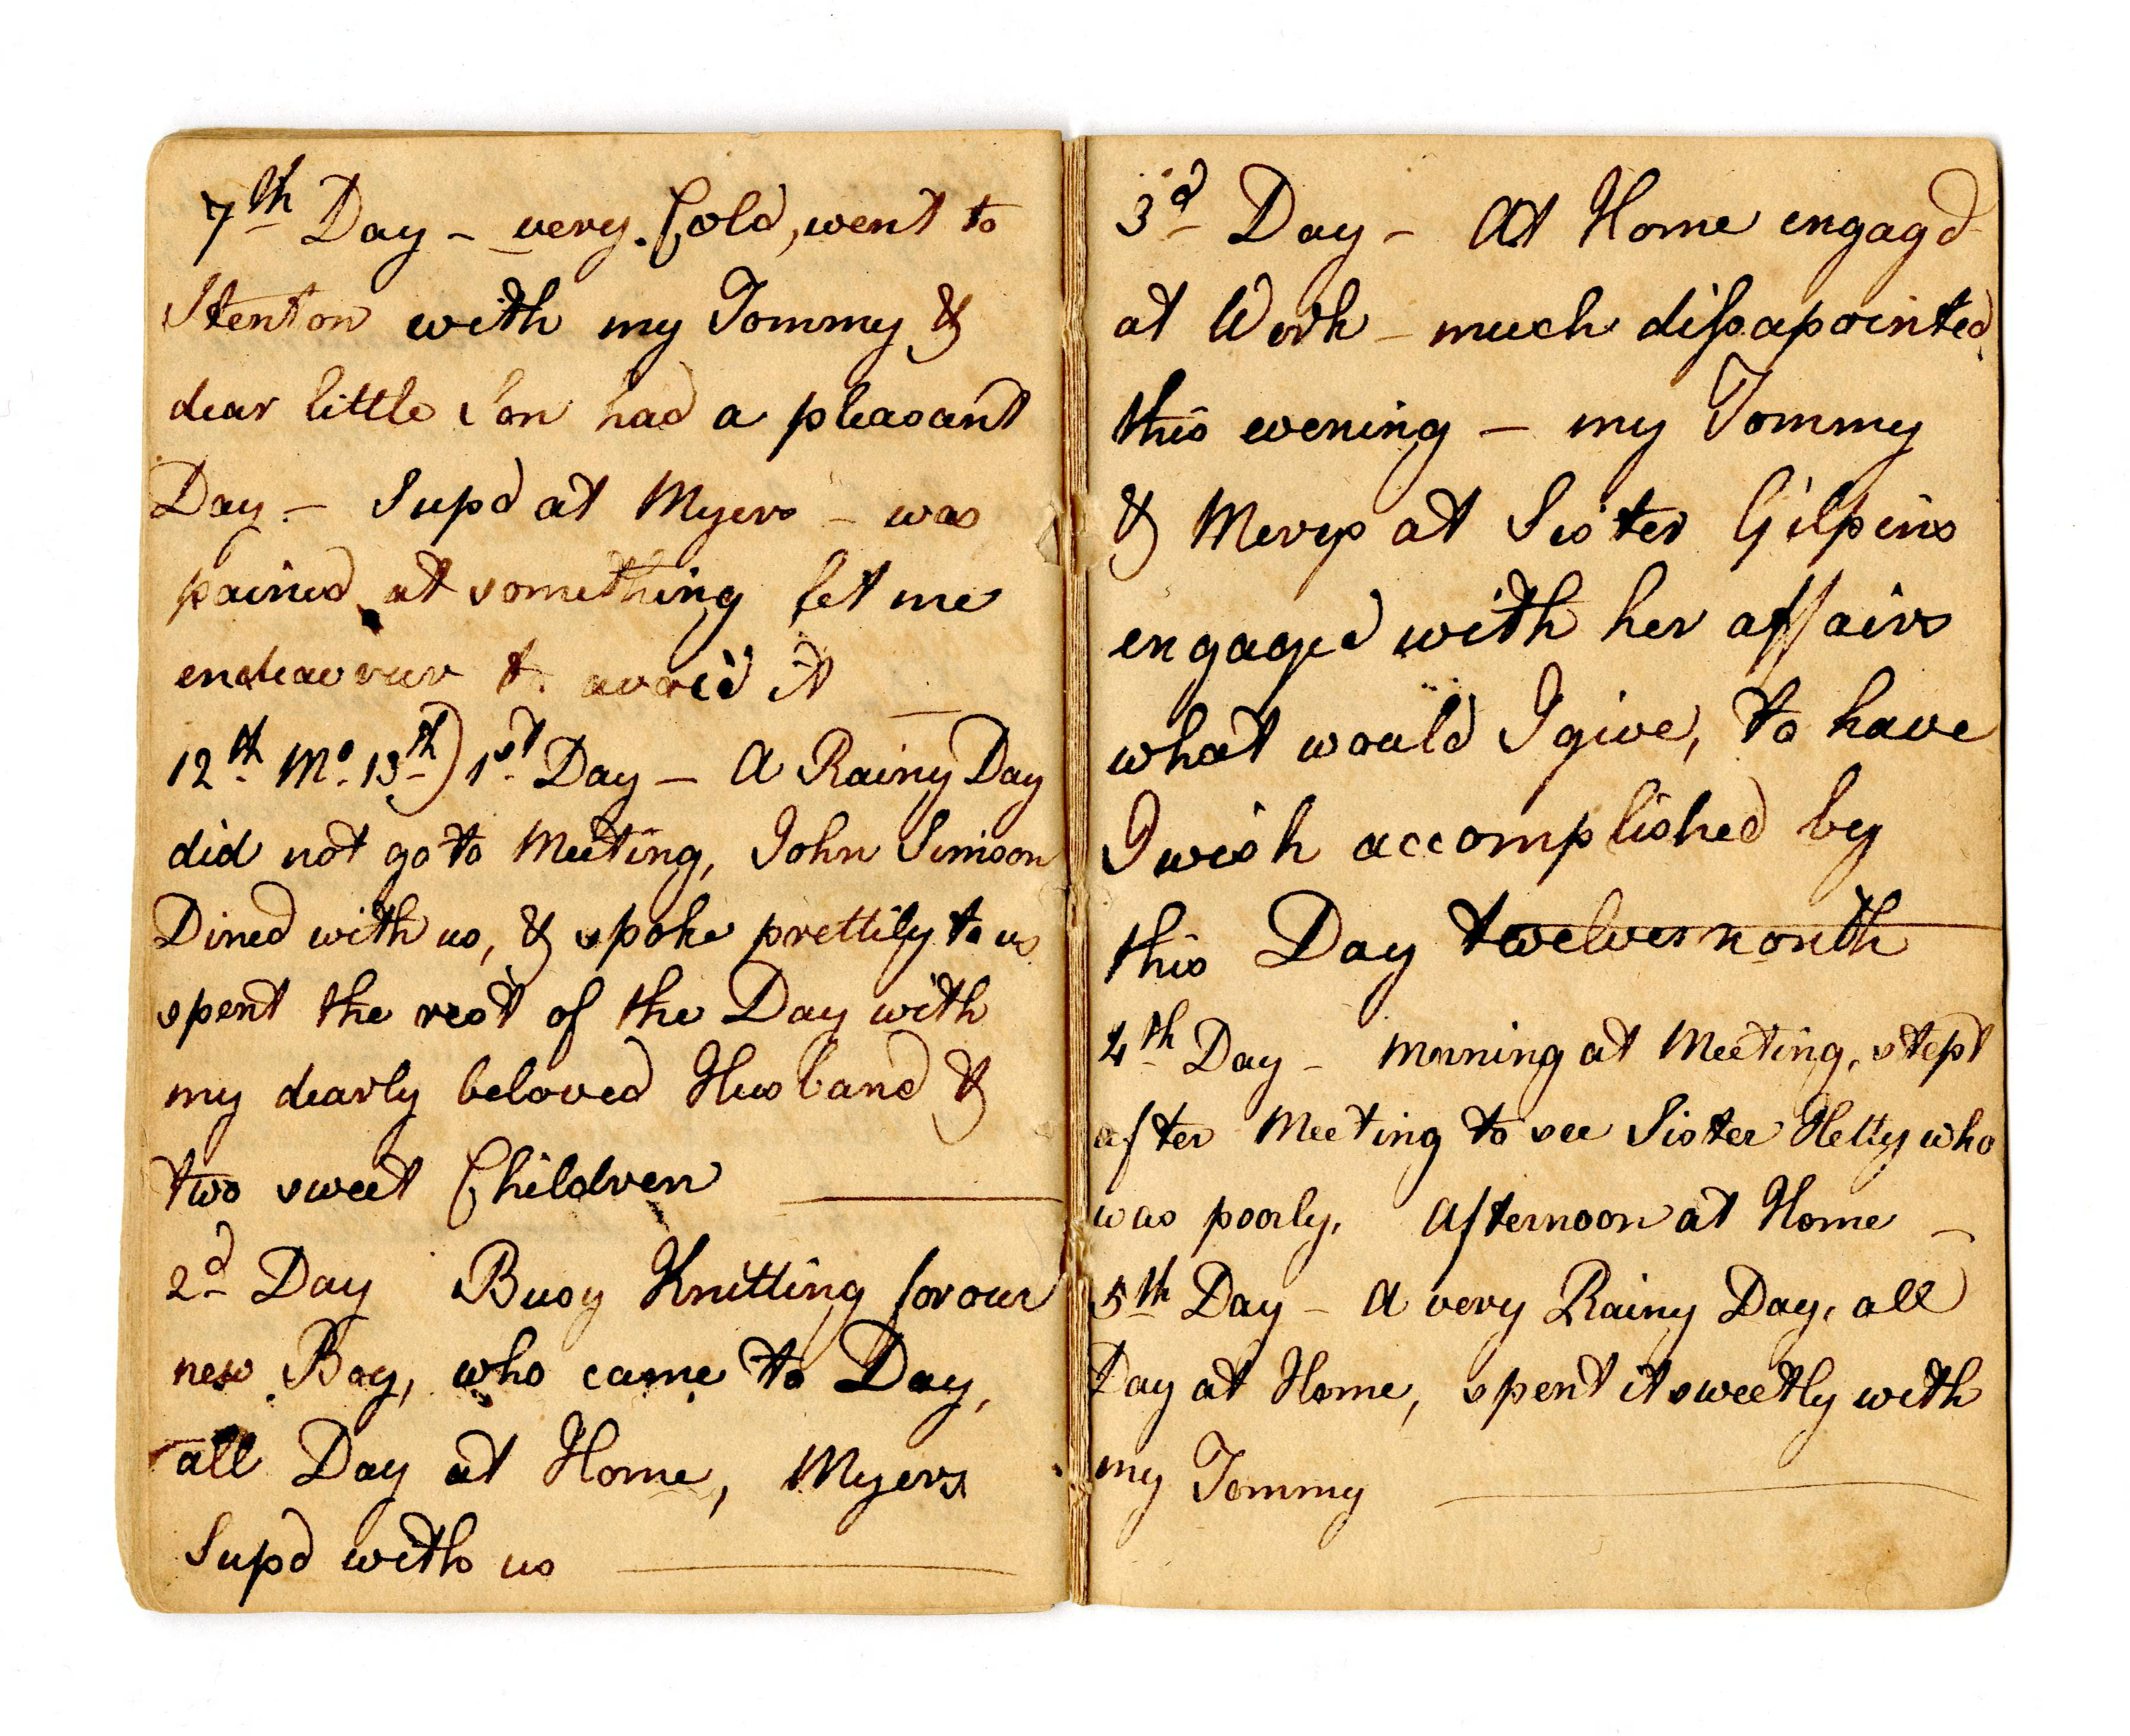7^th Day- very. Cold, went to
Stenton with my Tommy &
dear little Son had a pleasant
Day- Supd at Myers- was
pained, at something let me
endeavour to avoid it
12^th M^o 13^th) 1^st Day- A Rainy Day
did not go to Meeting, John Simoon
Dined with us, & spoke prettily to us
spent the rest of the Day with
my dearly beloved Husband &
two sweet Children
2^d Day- Busy Knitting for our
new Boy, who came to Day,
all Day at Home, Myers
Supd with us -
3^d Day- At Home engagd
at Work- much dissapointed
this evening- my Tommy
& Merys at Sister Gilpins
engaged with her affairs
what would I give, to have
I wish accomplished by
this Day twelvemonth
4^th Day- morning at Meeting, stept
after, Meeting to see Sister Hetty who
was poorly, Afternoon at Home-
5^th Day- A very Rainy Day, all
Day at Home, spent it sweetly with
My Tommy -